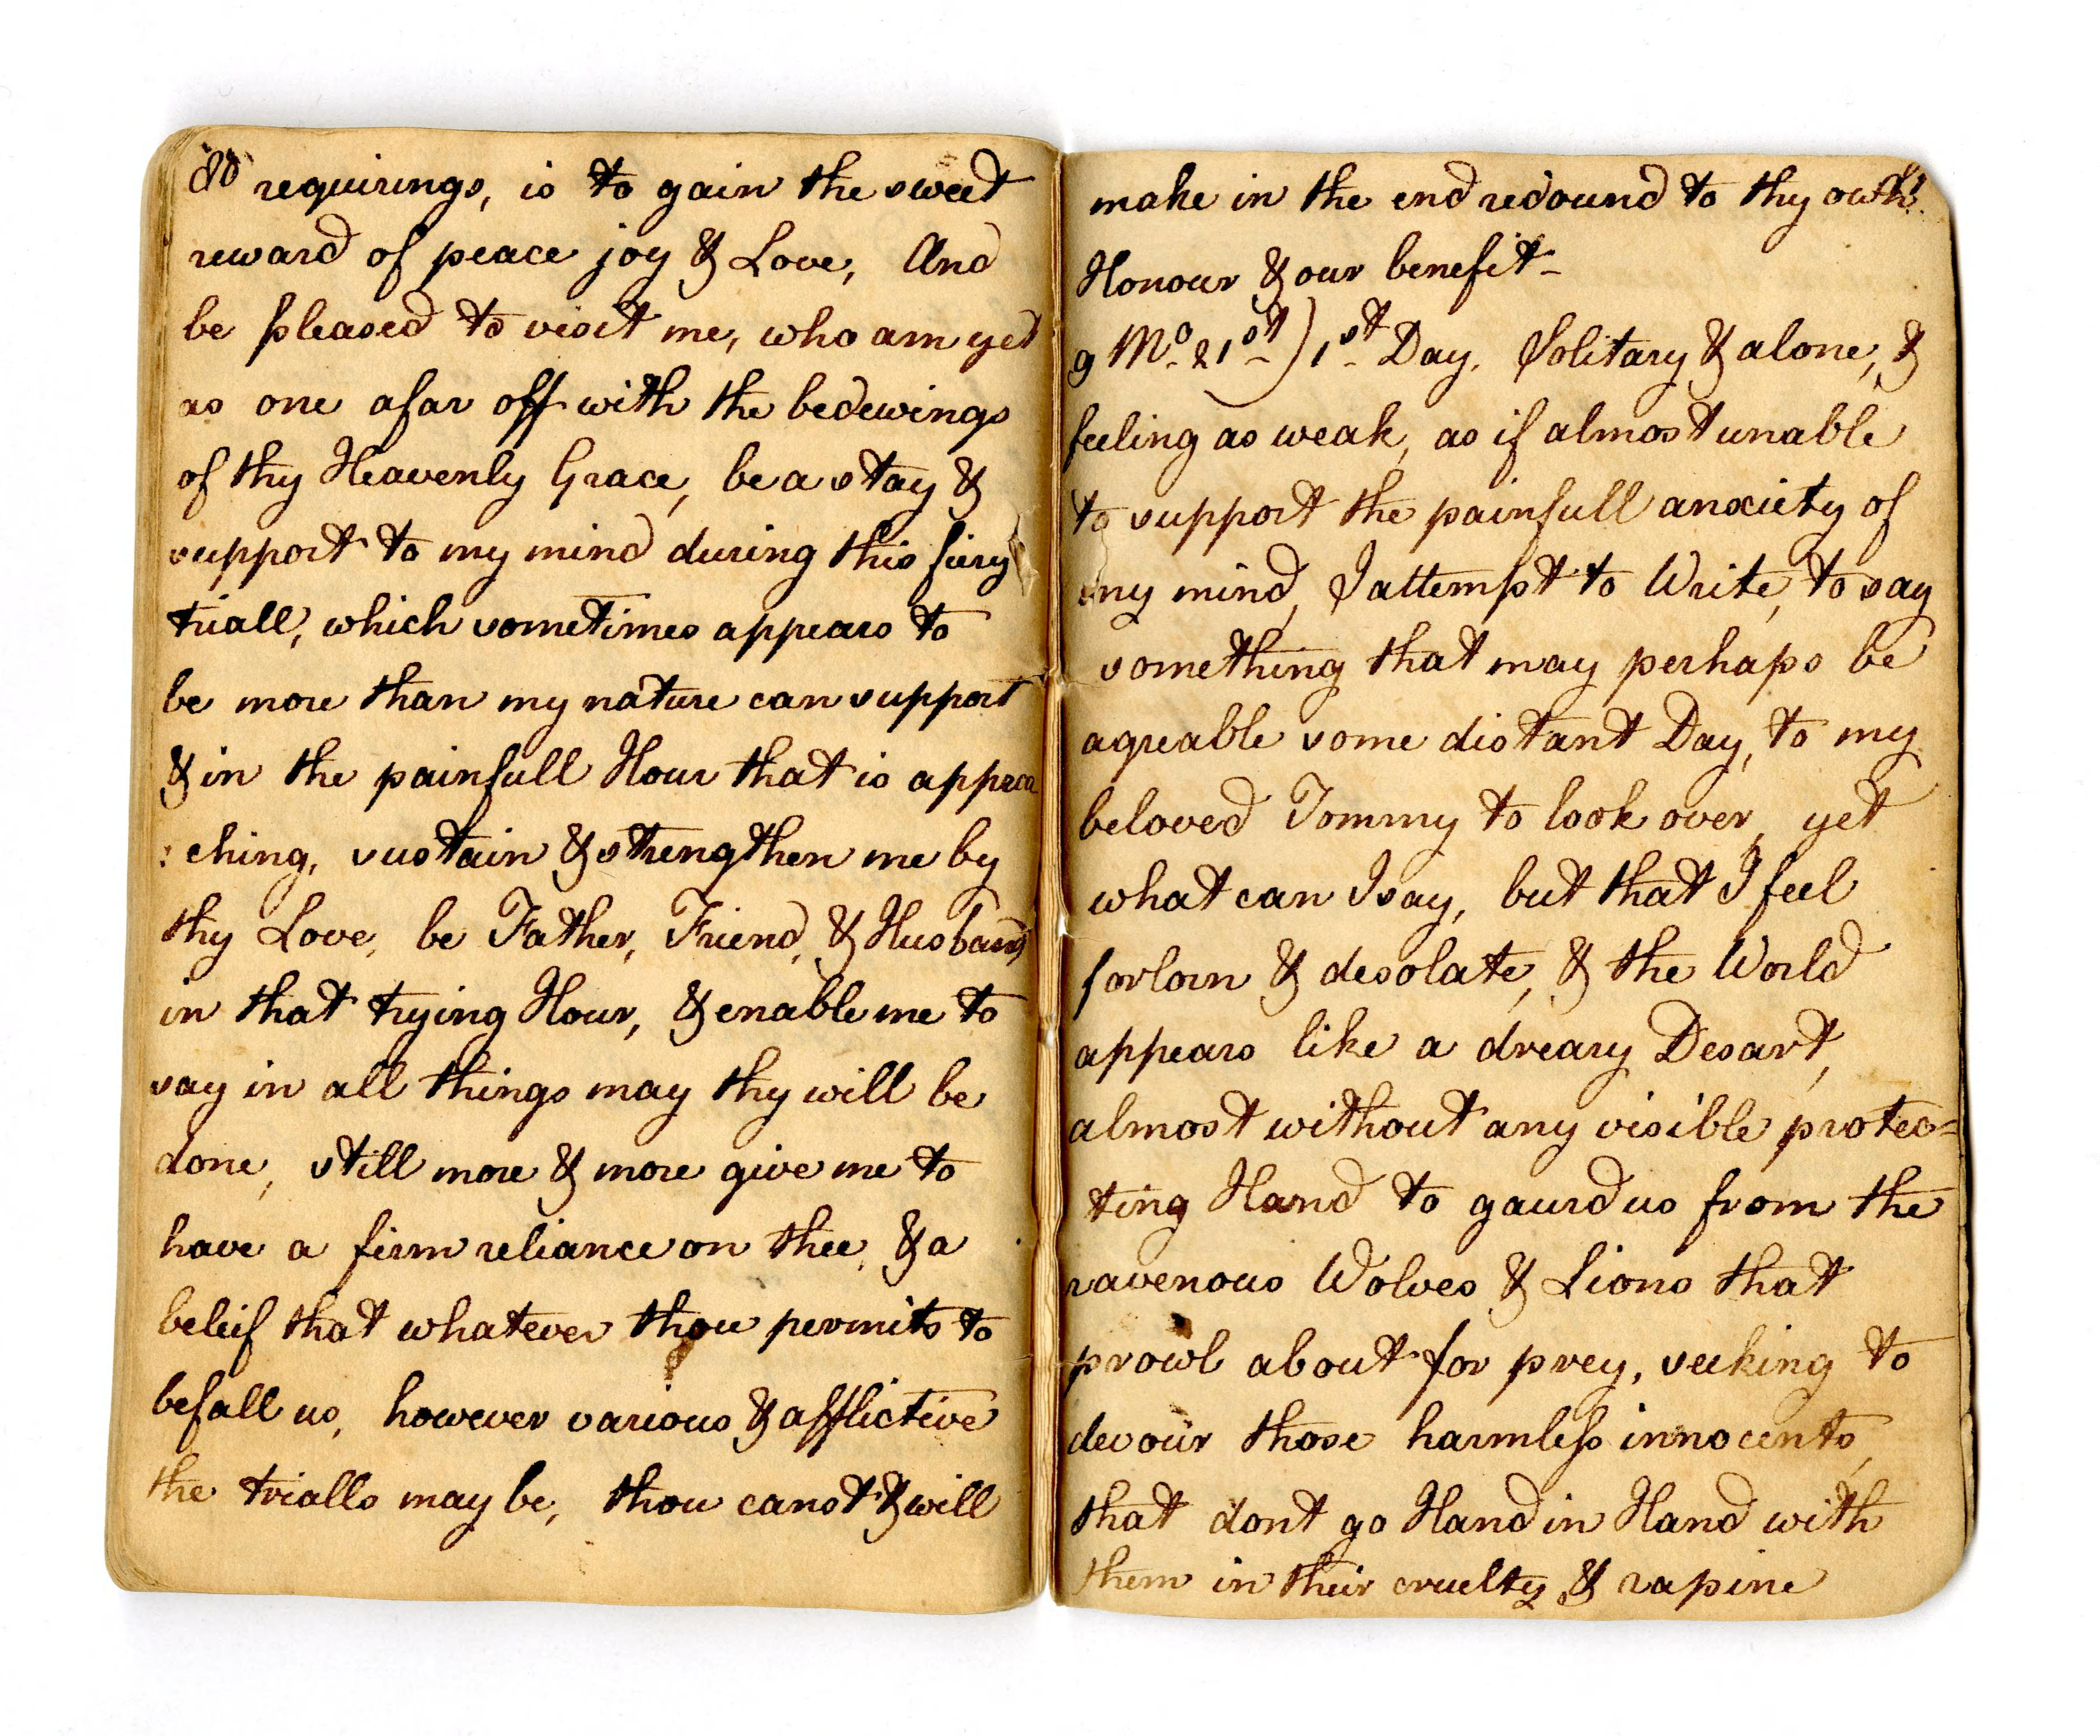requirings, is to gain the sweet
reward of peace joy & Love, And
be pleased to visit me, who am yet
as one afar off with the bedewings
of thy Heavenly Grace, be a stay &
support to my mind during this fury
triall, which sometimes appears to
be more than my nature can support
& in the painfull Hour that is approa
-ching, sustain & strengthen me by
thy Love, be Father, Friend, & Husband
in that trying Hour, & enable me to
say in all things may thy will be
done, still more & more give me to
have a firm reliance on thee, & a
beleif that whatever thou permits to
befall us, however various & afflictive
the trialls may be, thou canst & will
make in the and redound to thy own
Honour & our benefit-
9 M^o 21^st ) 1^st Day, Solitary & alone, &
feeling as weak, as if almost unable
to support the painfull anxiety of
my mind I attempt to Write, to say
something that may perhaps be
ageable some distant Day to my
beloved Tommy to look over, yet
what can I say, but that I feel
forlorn & desolate, & the World
appears like a dreary Desart,
almost without any visible protec-
ting Hand to gaurd us from the
ravenous Wolves & Lions that
prowl about for prey, seeking to
devour those harmless innocents
that dont go Hand in Hand with
them in their cruelty & rapine